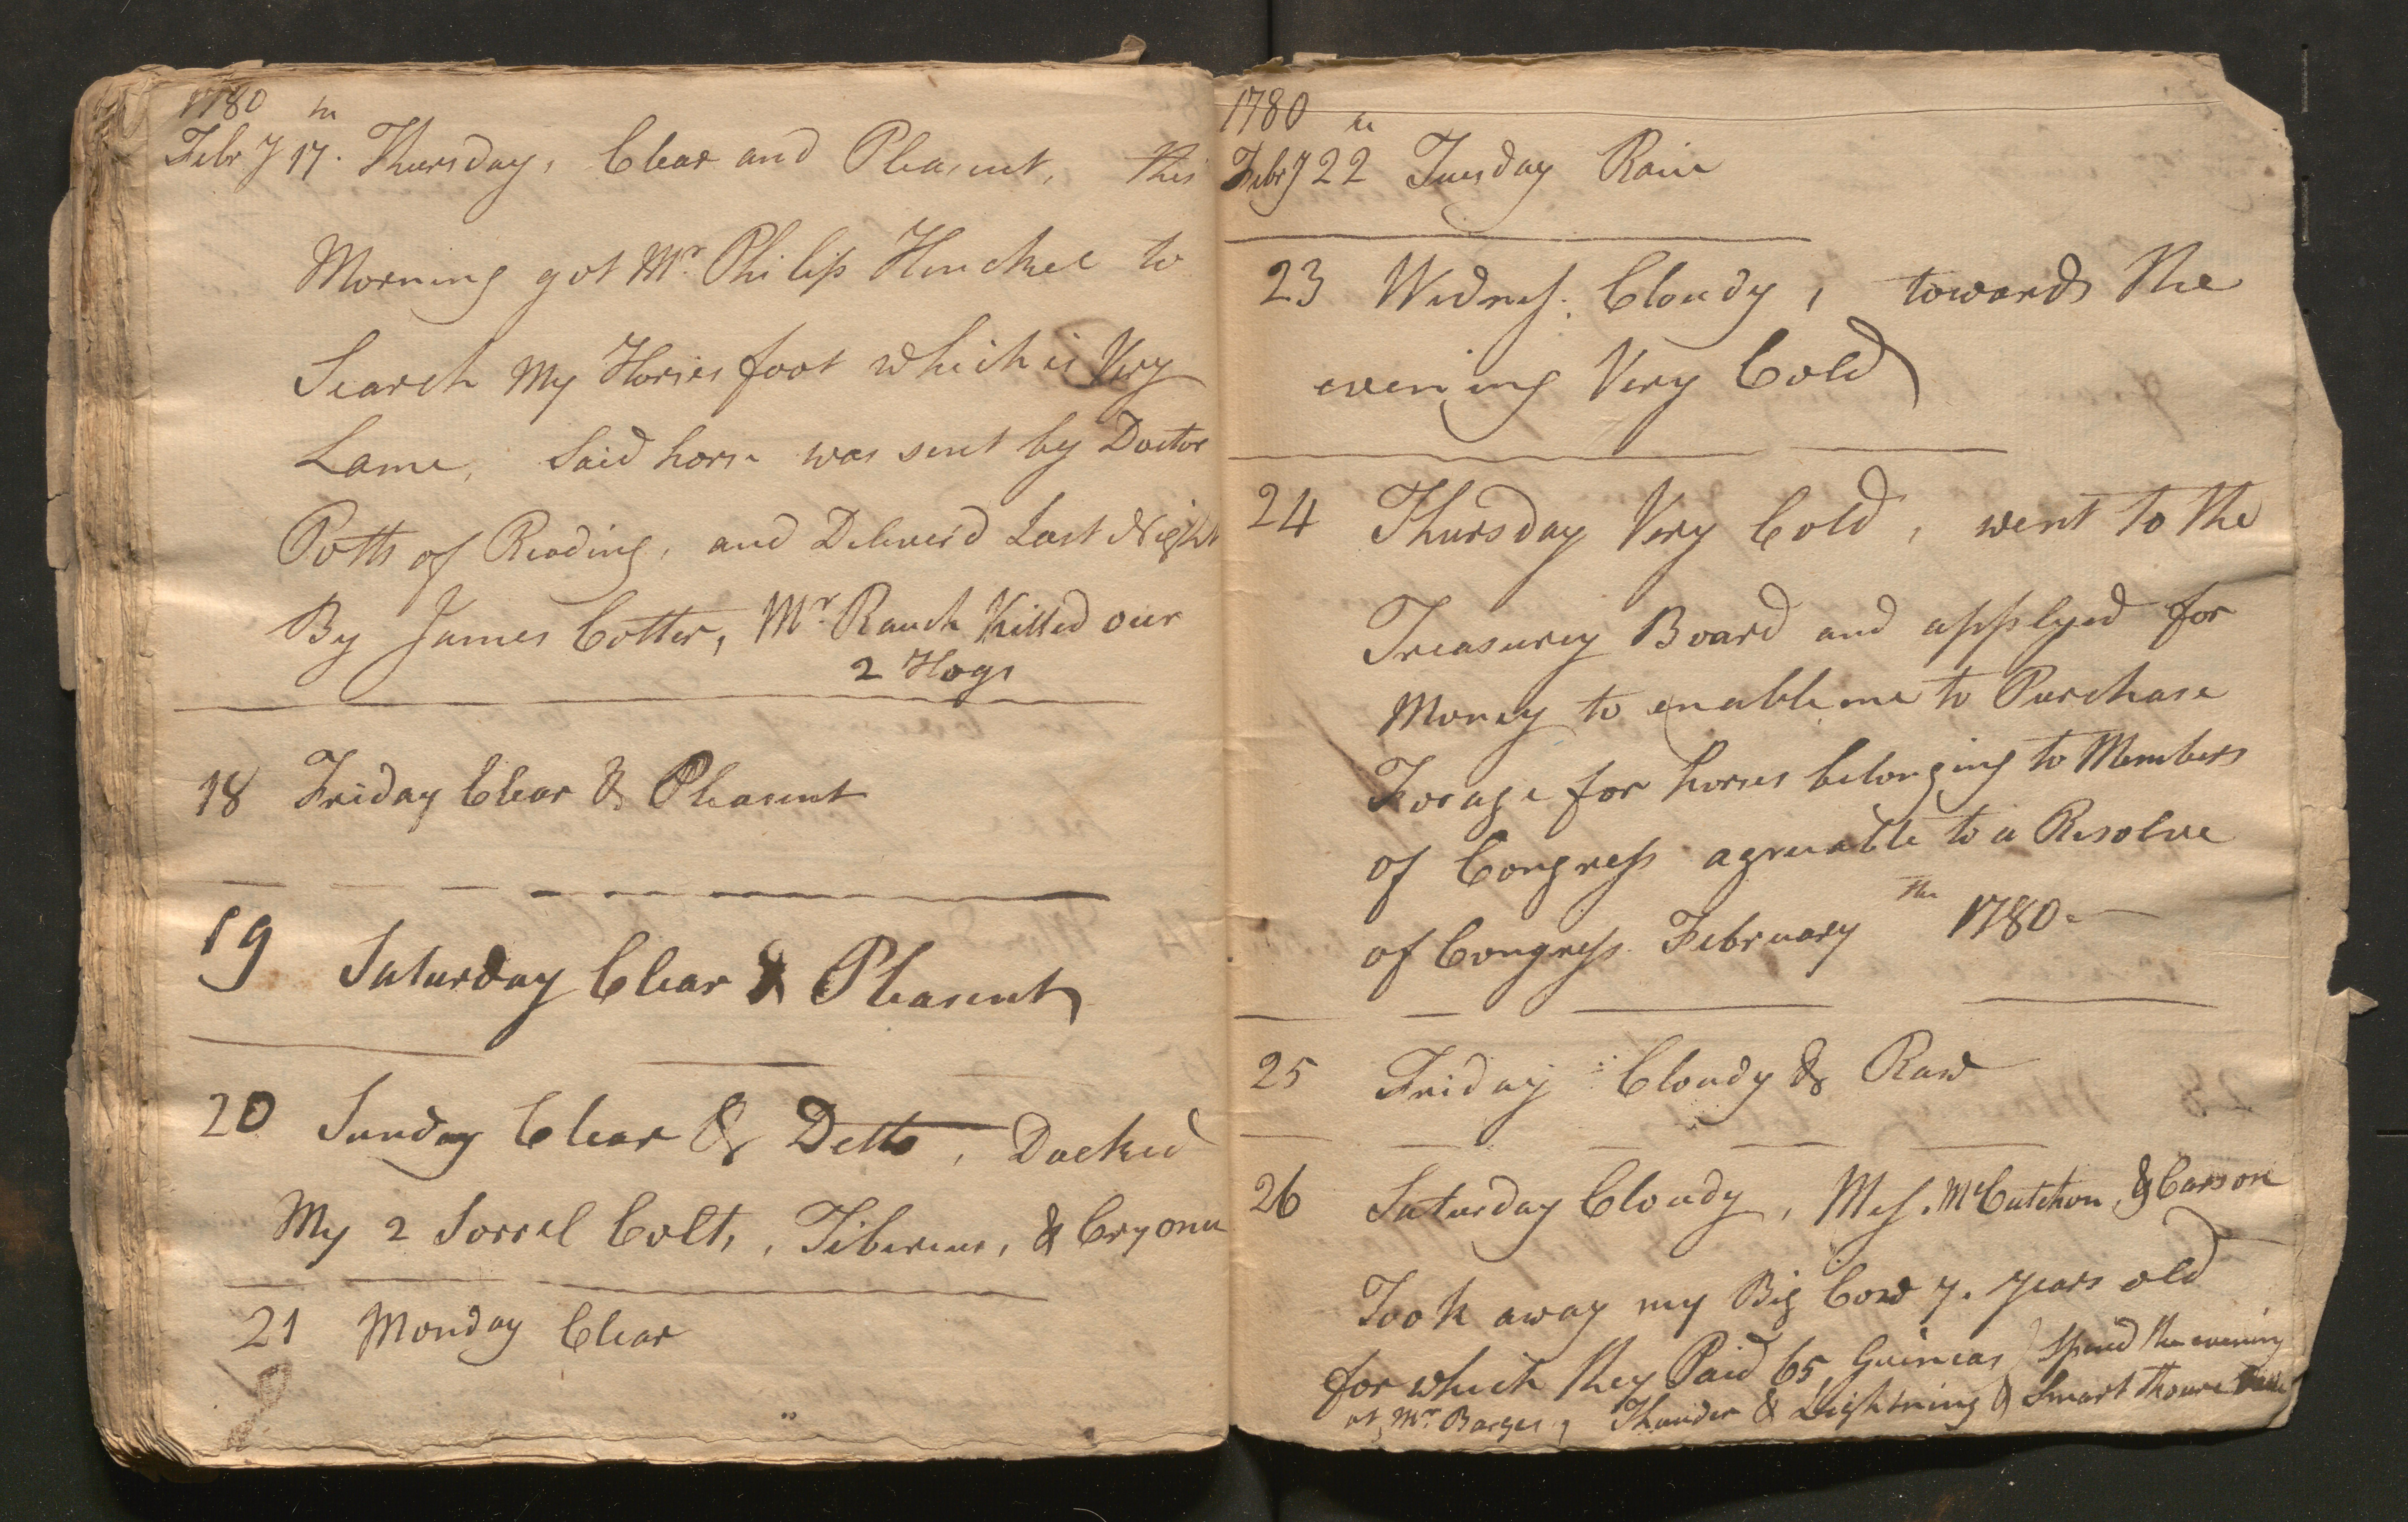1780
Febr^y 17^th. Thursday, Clear and Pleasent, this
Morning got M^r. Philip Henckel to
search My Horses foot which is Very
Lame, said horse was sent by Doctor
Potts of Reading, and Deliver'd Last Night
By James Cotter, M^r. Rauch Killed our
2 Hogs
18 Friday Clear & Pleasent
19 Saturday Clear & Pleasent
Sunday Clear & Ditto, Dacked
My 2 Sorrel Colts, Tiberias, & Cryonn
21 Monday Clear
1780
Febr^y 22^th Tuesday Rain
23^d Wednes. Cloudy, towands the
evening Very Cold
24 Thursday Very Cold, went to the
Treasurey Board and applyed for
Money to enable me to Purchase
Forage for horses belonging to Members
Congress agreeable to a Resolve
of Congres February 1780
25 Friday. Cloudy & Raw
26 Saturday Cloudy, Mes. M^cCutchon & Carson
Took away my Big Cow 7. years old
for which they Paid 6 Guineas spend the evening
at M^r. Barges, Thunder & Lightning & smart shoure [____]